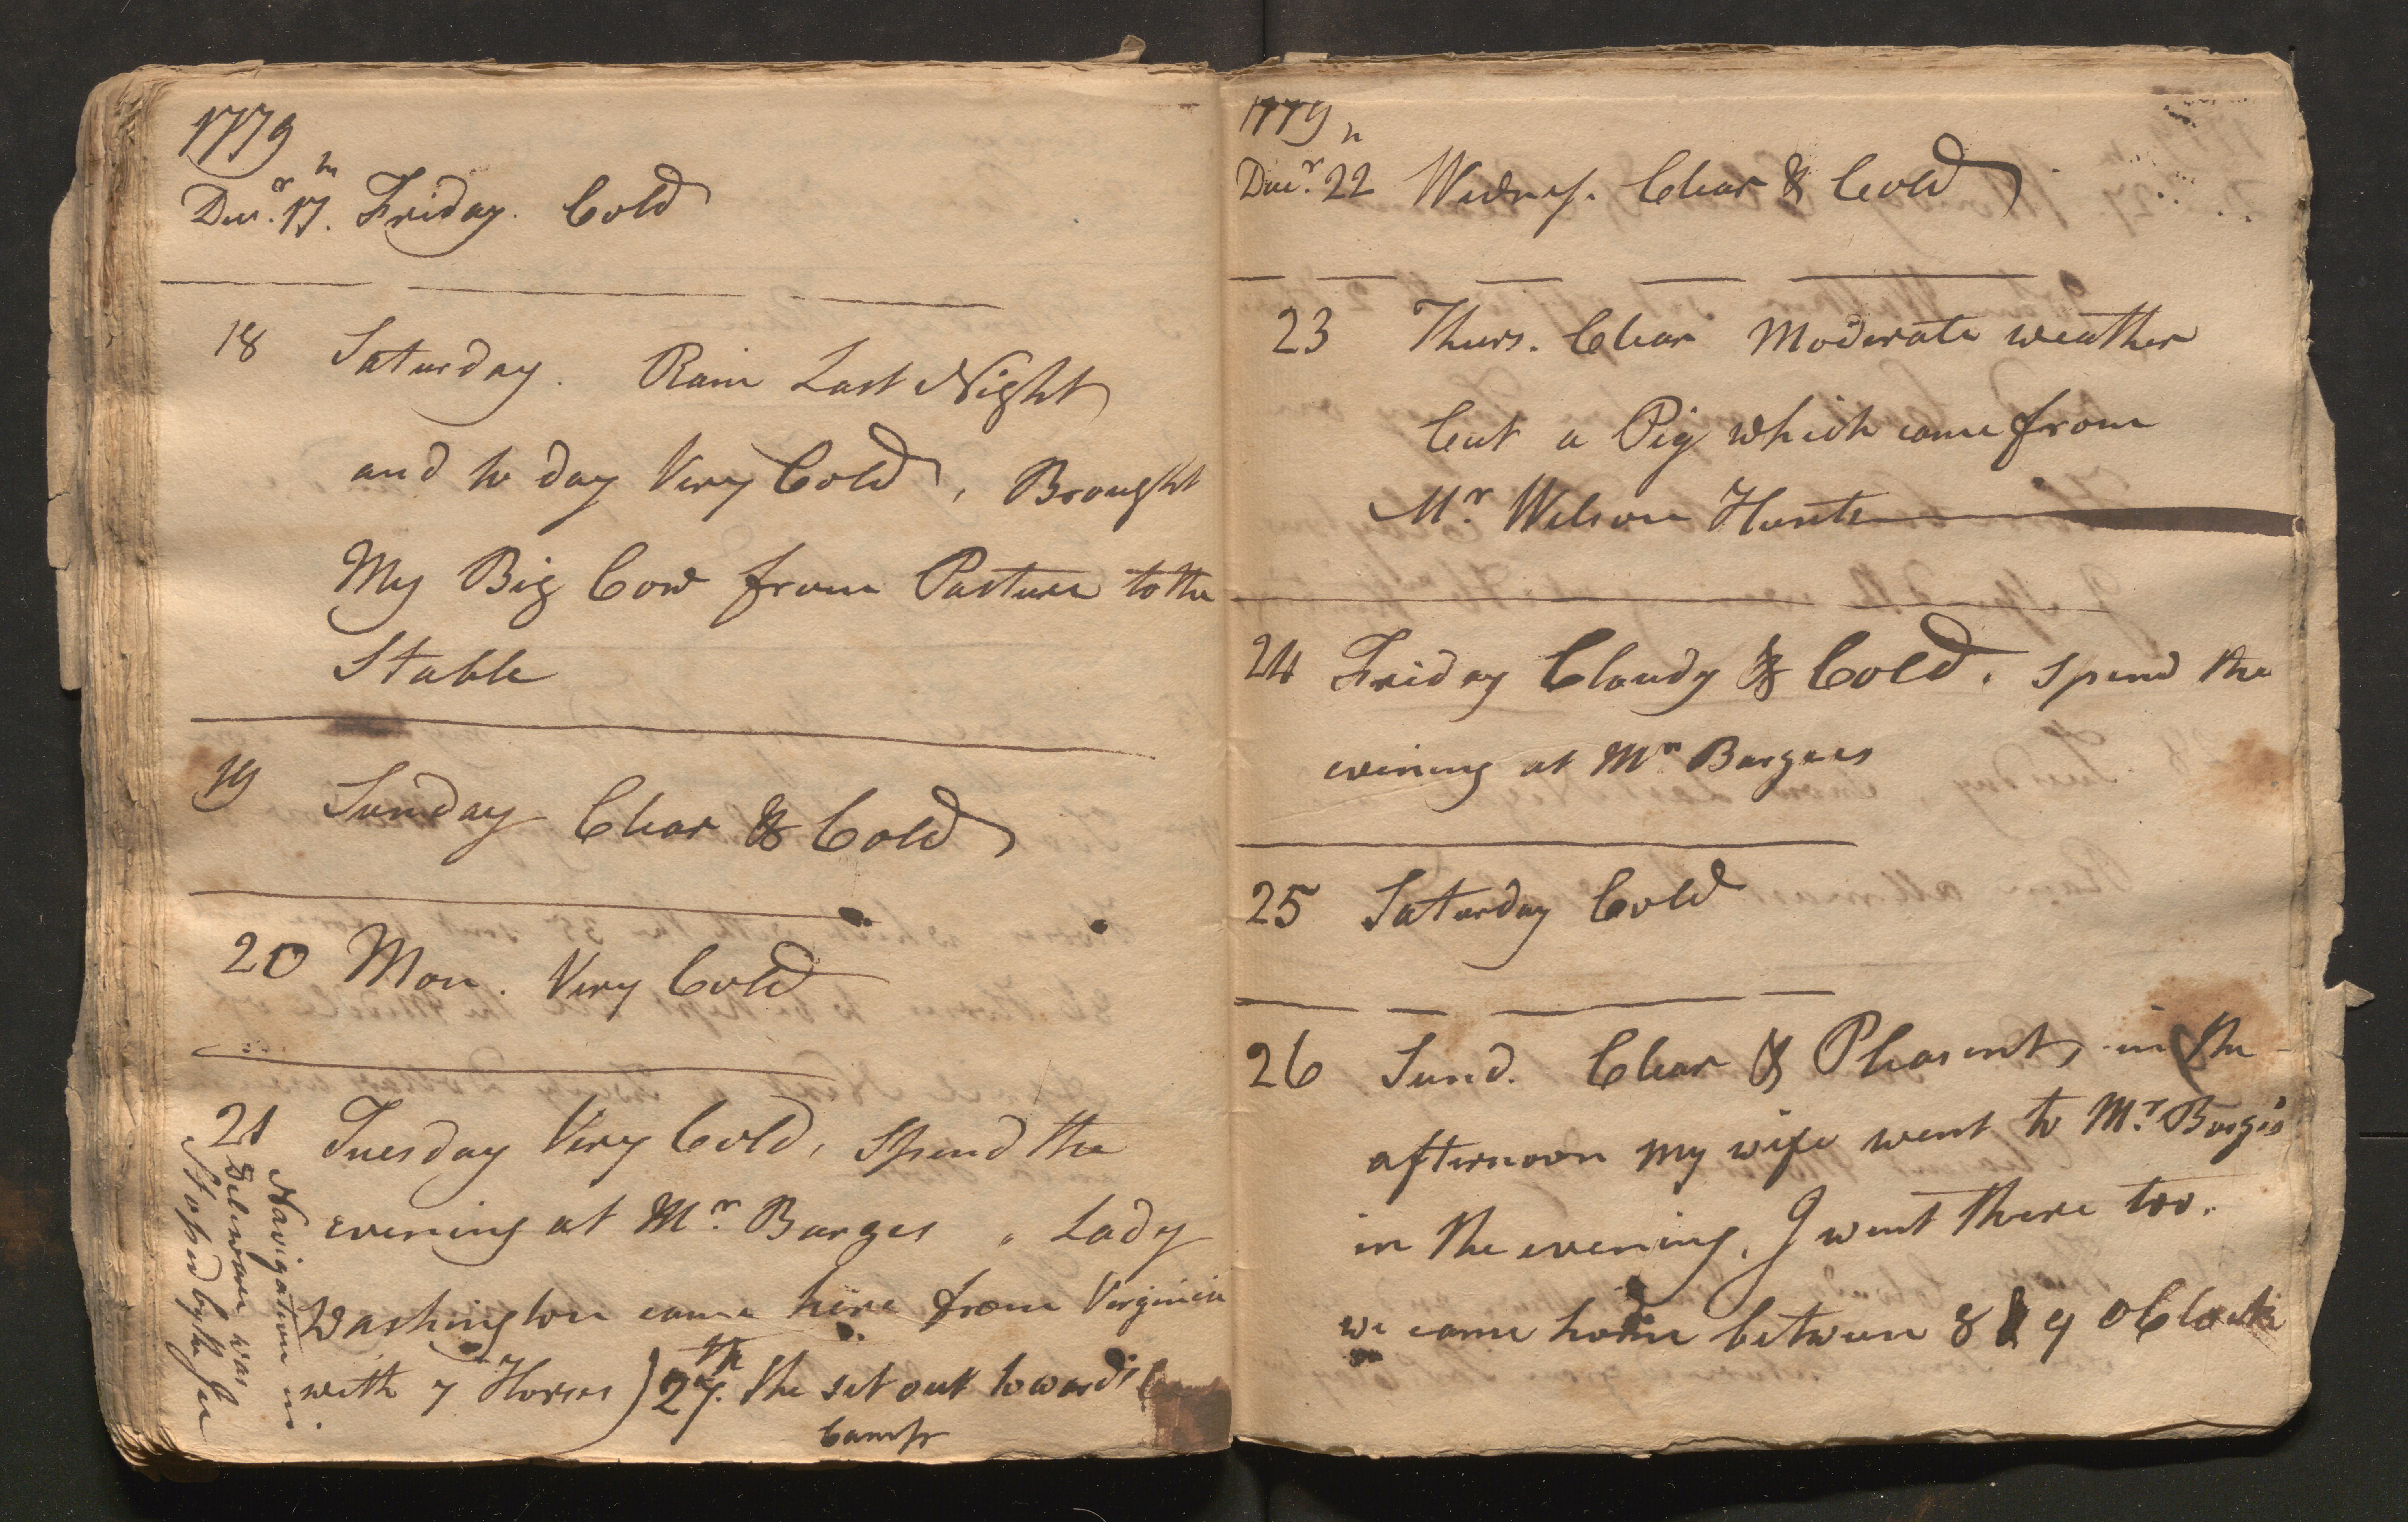1779
Dec^r. 17^th. Friday. Cold
18 Saturday. Rain Last Night
and to day Very Cold. Brought
My Big Cow from Pasture to the
Stable
19 Sunday Clear & Cold
20 Mon. Very Cold
21 Tuesday Very Cold, spend the
evening at M^r. Barges. Lady
Washington came here from Virginia
with 7 Horses) 27^th. She set out towards
Camp
Navigation in
Deleware was
Stoped by the Ice
1779
Dec^r. 22 Wednes. Clear & Cold
23 Thurs. Clear Moderate weather
Cut a Pig which came from
M^r. Wilson Hunts
24 Friday Cloudy & Cold. spend the
evinig at M^r. Bargees
25 Satarday Cold
26 Sund. Clear & Pleasent, in the
afternoon my wife went to M^r. Barge's
in the evening, I went there too.
we came home betwen 8 & 9 oClock